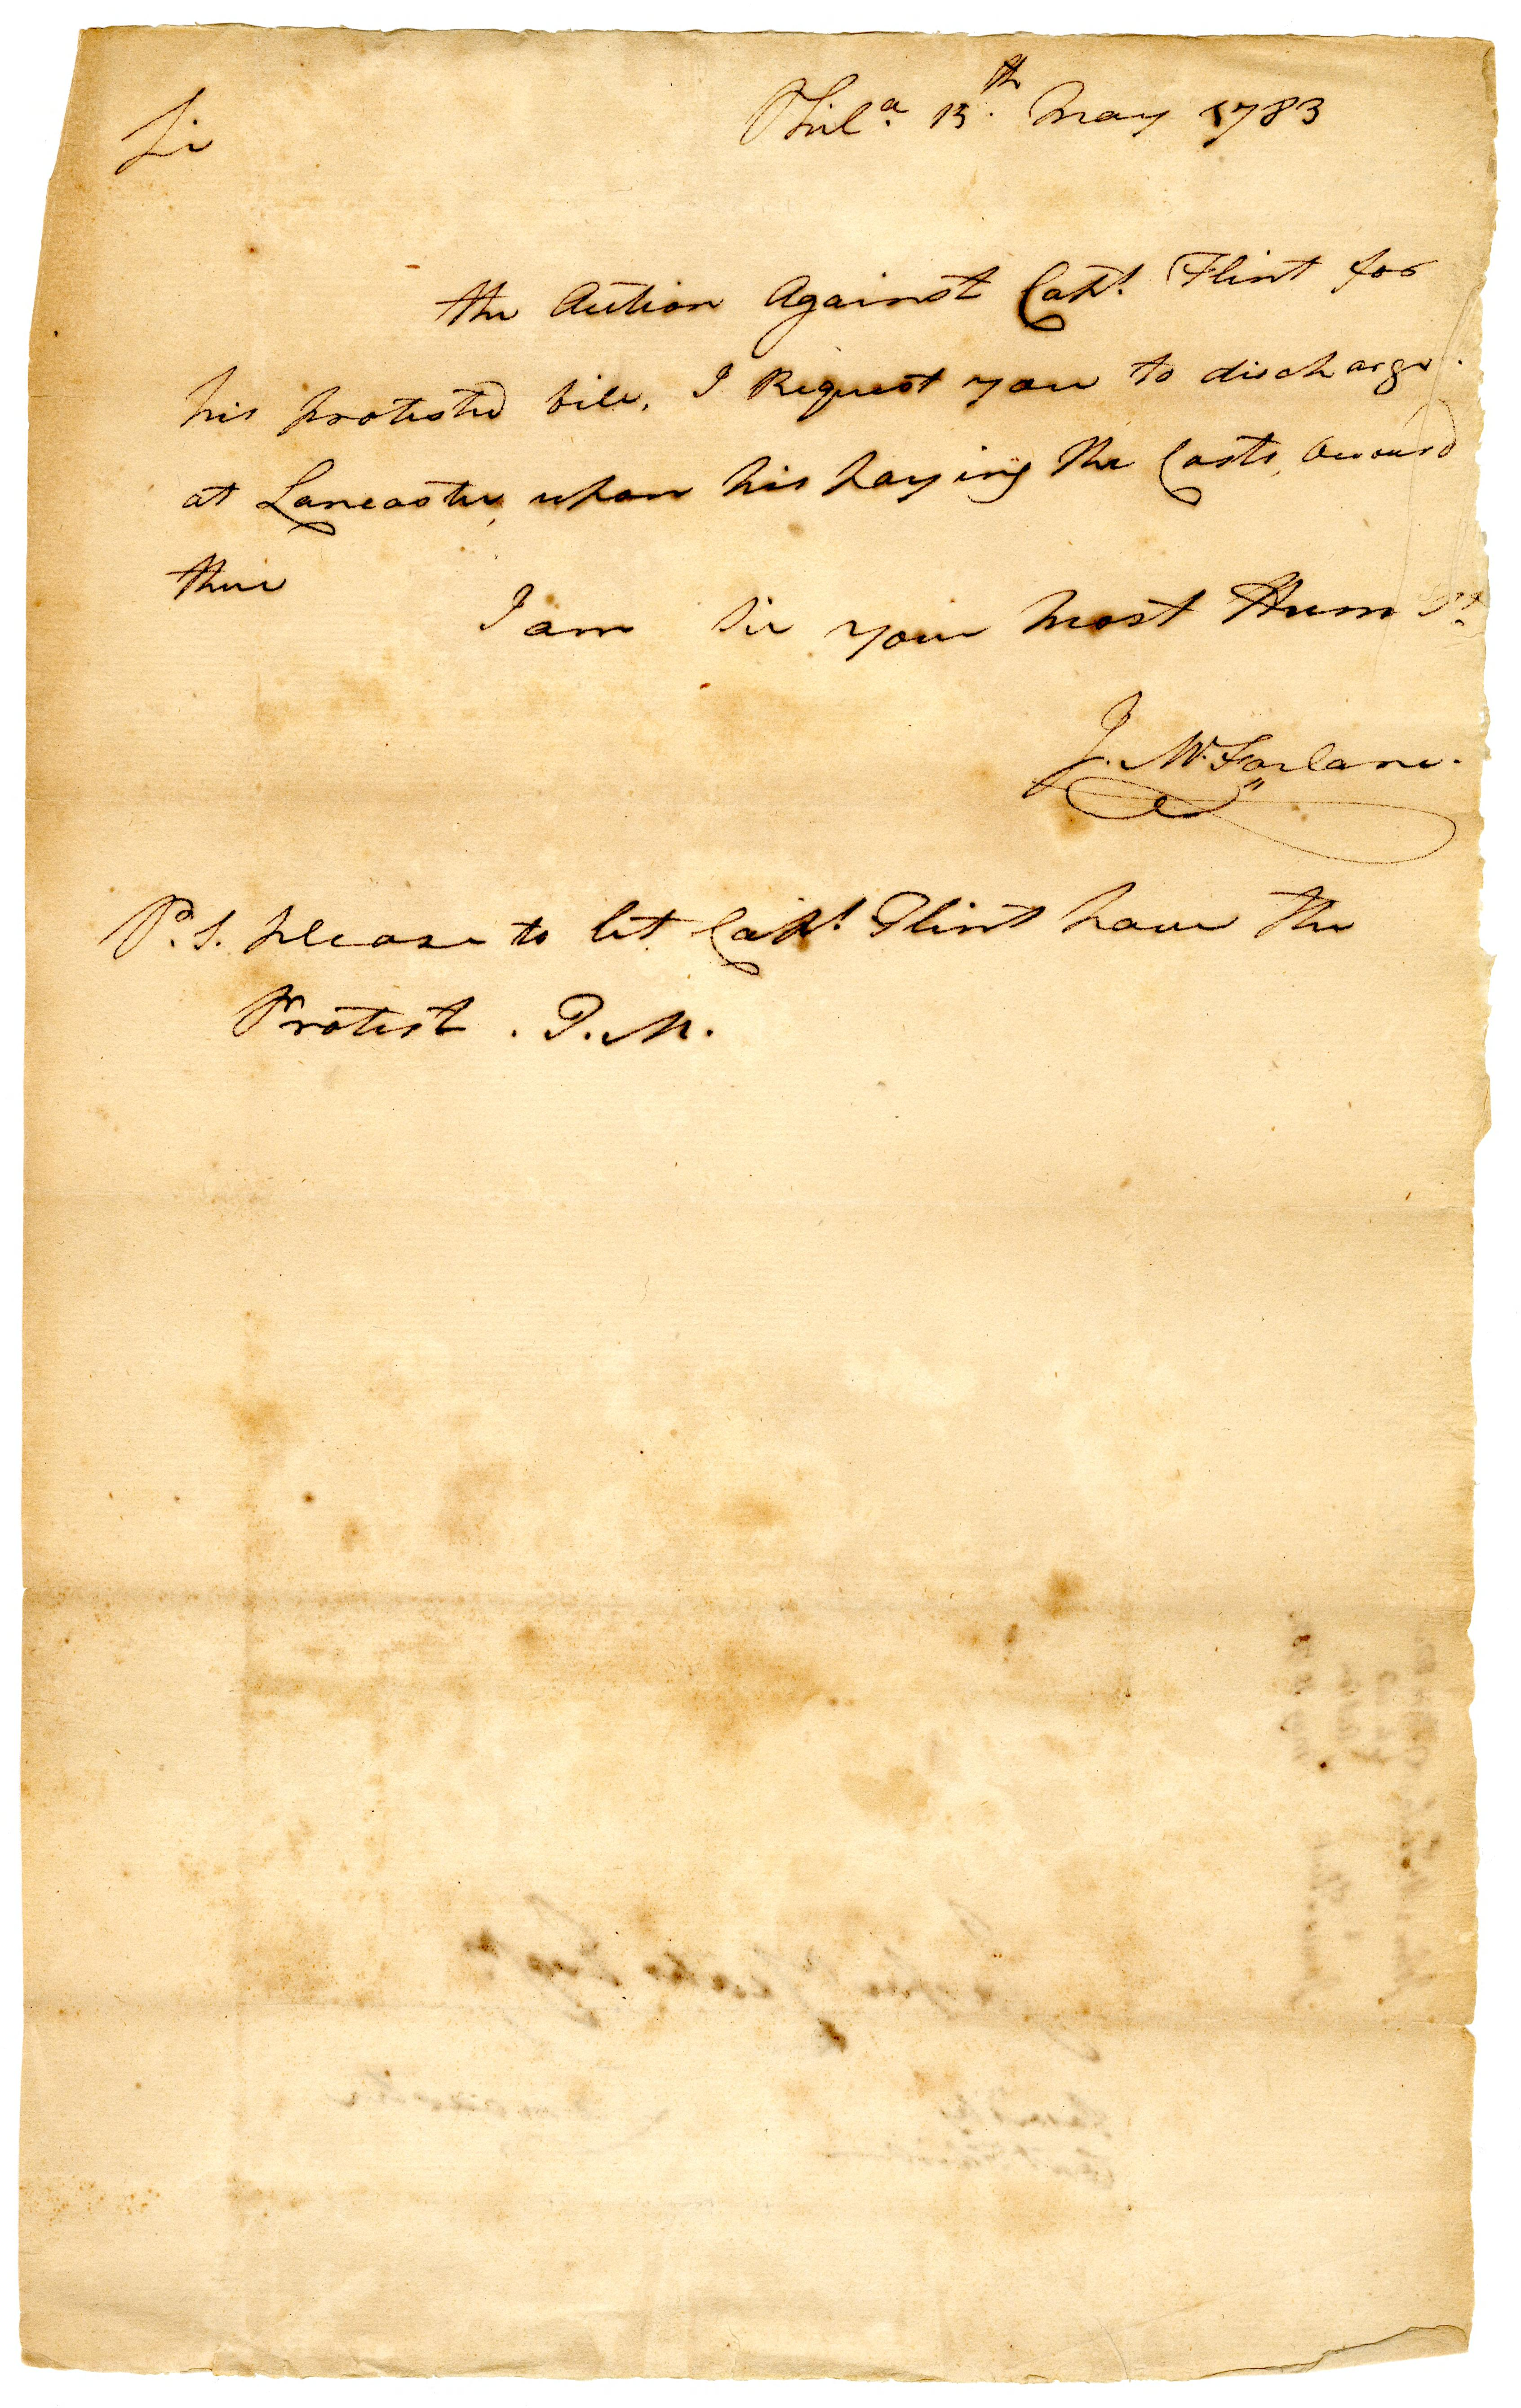Phil^a 15^th. May 1783
Sir
the Action Against Cap^t. Flint for
his protested bill, I Request you to discharge
at Lancaster when his laying the Casts, accord
there
I am sir your most Hum S^t:
J. M^c. Farlane.
P. S. please to let Capt. Flint have the
Protest. J. M.